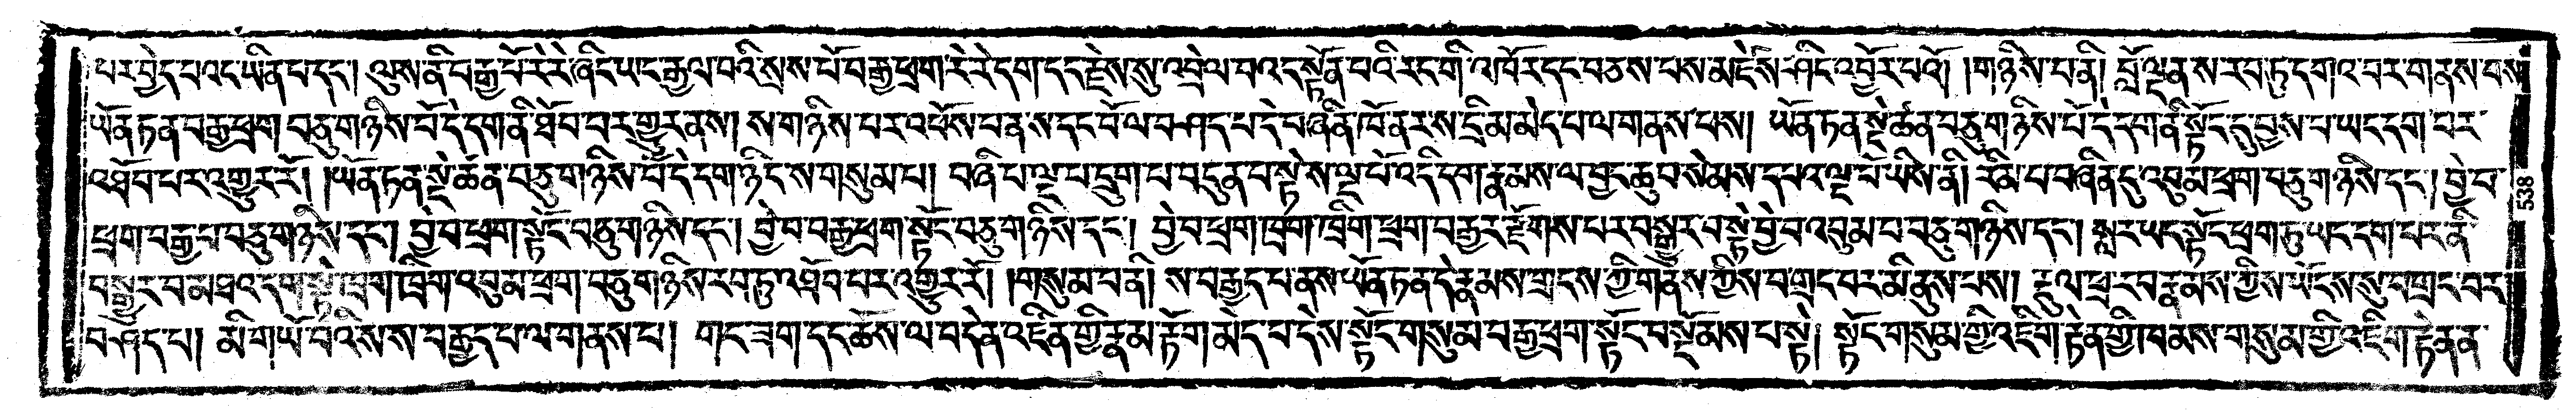པར་བྱེད་པའང་ཡིན་པ་དང་། ལུས་ནི་བརྒྱ་པོ་རེ་རེ་ཞིང་ཡང་རྒྱལ་བའི་སྲས་པོ་བརྒྱ་ཕྲག་རེ་རེ་དག་དང་རྗེས་སུ་འབྲེལ་བའང་སྟོན་པའི་རང་གི་འཁོར་དང་བཅས་པས་མཛེས་ཤིང་འབྱོར་བའོ། །གཉིས་པ་ནི། བློ་ལྡན་ས་རབ་ཏུ་དགའ་བར་གནས་པས་
ཡོན་ཏན་བརྒྱ་ཕྲག་བཅུ་གཉིས་པོ་དེ་དག་ནི་ཐོབ་པར་གྱུར་ནས། ས་གཉིས་པར་འཕོས་པ་ནས་དང་པོ་ལ་བཤད་པ་དེ་བཞིན་ཁོ་ནར་ས་དྲི་མ་མེད་པ་ལ་གནས་པས། ཡོན་ཏན་སྡེ་ཚན་བཅུ་གཉིས་པོ་དེ་དག་ནི་སྟོང་དུ་བྱས་པ་ཡང་དག་པར་
འཐོབ་པར་འགྱུར་རོ། །ཡོན་ཏན་སྡེ་ཚན་བཅུ་གཉིས་པོ་དེ་དག་ཉིད་ས་གསུམ་པ། བཞི་པ་ལྔ་པ་དྲུག་པ་བདུན་པ་སྟེ་ས་ལྔ་པོ་འདི་དག་རྣམས་ལ་བྱང་ཆུབ་སེམས་དཔའ་ལྔ་པོ་ཡིས་ནི། རིམ་པ་བཞིན་དུ་འབུམ་ཕྲག་བཅུ་གཉིས་དང་། བྱེ་བ་
ཕྲག་བརྒྱ་པ་བཅུ་གཉིས་དང་། བྱེ་བ་ཕྲག་སྟོང་བཅུ་གཉིས་དང་། བྱེ་བ་བརྒྱ་ཕྲག་སྟོང་བཅུ་གཉིས་དང་། བྱེ་བ་ཕྲག་ཁྲག་ཁྲིག་ཕྲག་བརྒྱར་རྫོགས་པར་བསྒྱུར་བ་སྟེ་བྱེ་བ་འབུམ་པ་བཅུ་གཉིས་དང་། སླར་ཡང་སྟོང་ཕྲག་ཏུ་ཡང་དག་པར་ནི་
བསྒྱུར་བ་མཐའ་དག་སྟེ་ཁྲག་ཁྲིག་འབུམ་ཕྲག་བཅུ་གཉིས་རབ་ཏུ་འཐོབ་པར་འགྱུར་རོ། །གསུམ་པ་ནི། ས་བརྒྱད་པ་ནས་ཡོན་ཏན་དེ་རྣམས་གྲངས་ཀྱི་གནས་ཀྱིས་བགྲང་བར་མི་ནུས་པས། རྡུལ་ཕྲ་རབ་རྣམས་ཀྱིས་ཡོངས་སུ་བགྲང་བར་
བཤད་པ། མི་གཡོ་བའི་ས་ས་བརྒྱད་པ་ལ་གནས་པ། གང་ཟག་དང་ཆོས་ལ་བདེན་འཛིན་གྱི་རྣམ་རྟོག་མེད་པ་དེས་སྟོང་གསུམ་བརྒྱ་ཕྲག་སྟོང་བསྡོམས་པ་སྟེ། སྟོང་གསུམ་གྱི་འཇིག་རྟེན་གྱི་ཁམས་གསུམ་གྱི་འཇིག་རྟེན་ན་